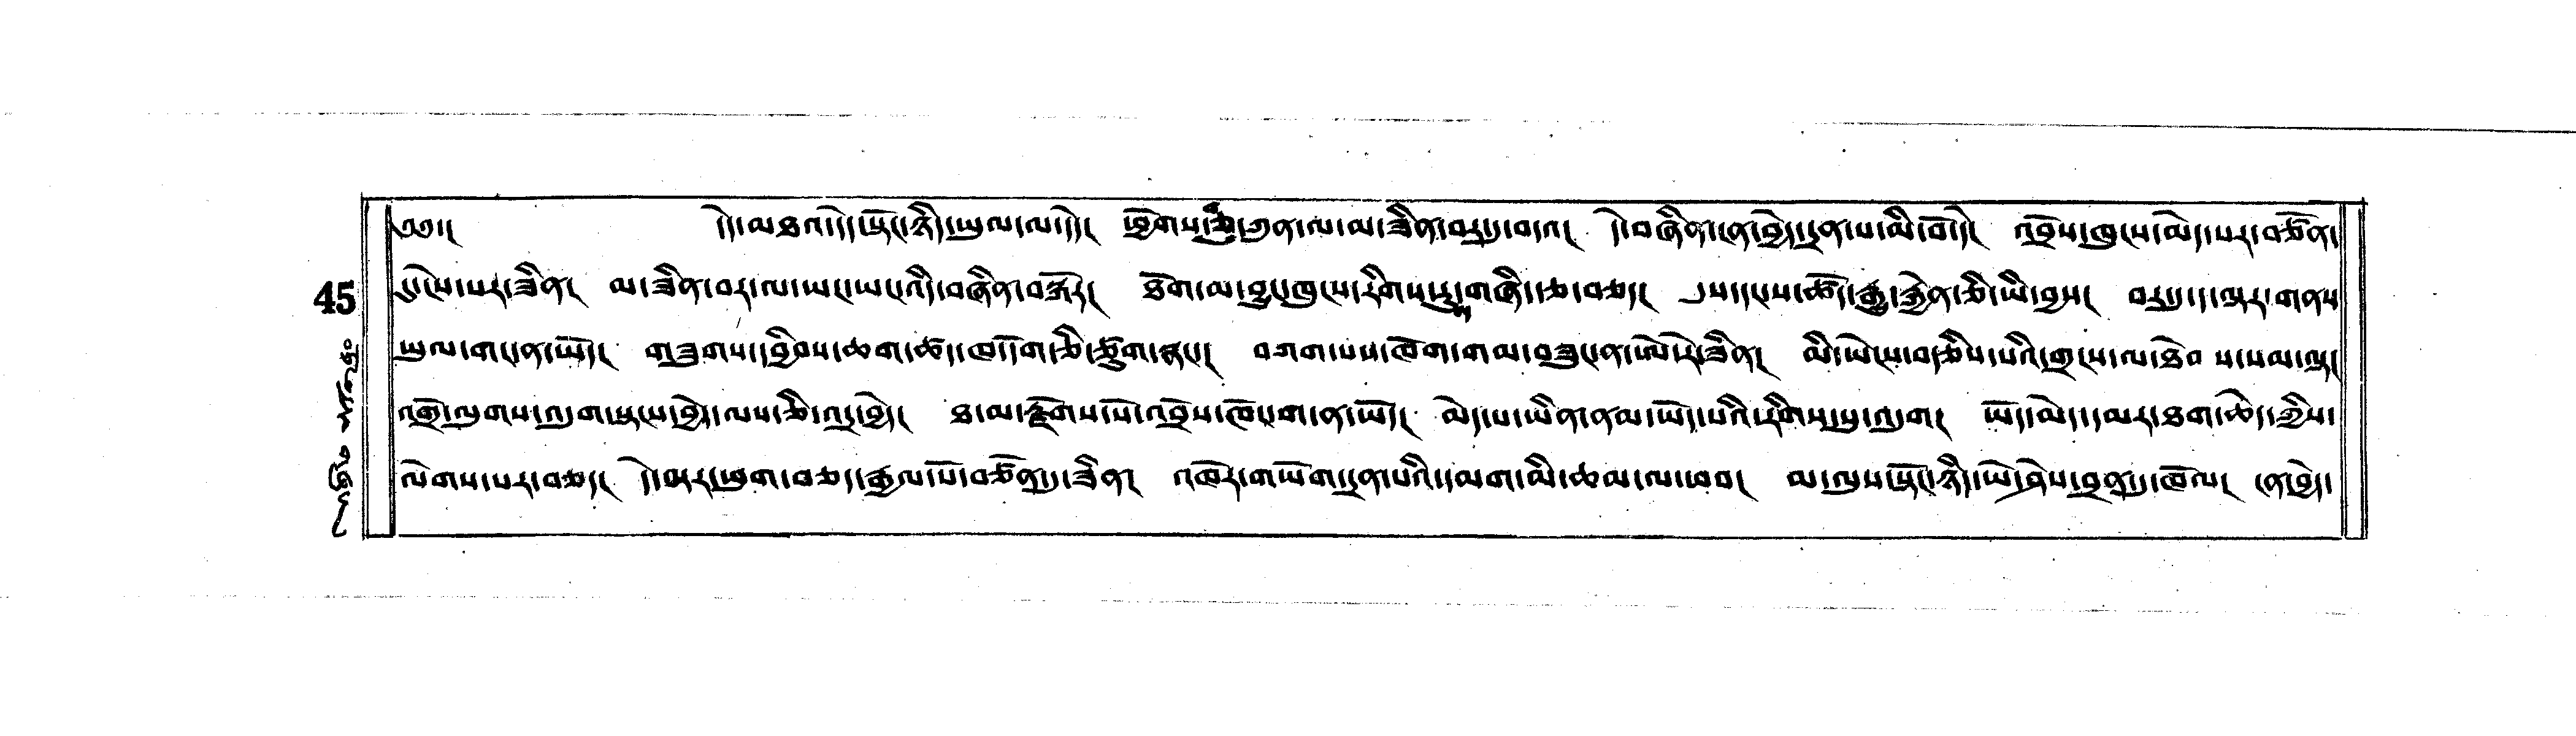དེད་མཐའ་དེད་སྟོང་ཉིད་ཡུལ་ལ་དེད། ཕྱོགས་བཅུ་ཀུན་ལ་མ་ཟད་བར་དུ་བདའ། དེ་བཞིན་ངན་བྱེད་དྲན་པ་མི་བོ་དེ། འབྲོས་ཁུངས་མེད་པར་བཙོན་
དུ་ངེས་པར་ཟིན། མ་ཟིན་བར་ལ་ཡང་ཡང་འདི་བཞིན་བསྐོར། ཐོག་མ་བྱུང་ཁུངས་རིགས་རུས་གཞི་རྩ་བཅད། དུས་དང་ས་ཚོད་རྒྱུ་རྐྱེན་ཅི་ཡི་བྱས། བར་དུ་ད་ལྟར་གནས་
ཡུལ་གང་ན་ཡོད། གཟུགས་དབྱིབས་ཆག་ཚད་ཁ་དོག་ཅི་ཙུག་སྣང་། བཀག་པས་ཁོག་གམ་བཟུང་ན་ཨེ་རེ་ཟིན། མི་ཡེངས་བརྩིས་པའི་གྲངས་ལ་ཐེབས་སམ་ལྟ། 
འགྲོ་ལུགས་འདུག་སྟངས་བྱེད་ལས་ཅི་འདྲ་བྱེད། ཐ་མ་རྫོགས་སོ་འབྲོས་ཁོང་གང་ན་ཡོད། མེད་པ་ཡིན་ནམ་ཡོད་པའི་རིགས་སུ་འདུག ཡོད་མེད་དམར་ཐག་ཆད་ཀྱིས་
ལེགས་པར་བཅད། དེ་ལྟར་ཕུག་བཅད་རྒྱལ་པོ་བཙོན་དུ་ཟིན། འཁོར་གཡོག་དྲན་པའི་དམག་མི་ཆམ་ལ་ཕབ། ལ་ལུས་སྟོང་ཉིད་ཡེ་ཤེས་བྲན་དུ་ཁོལ། ངན་བྱེད་